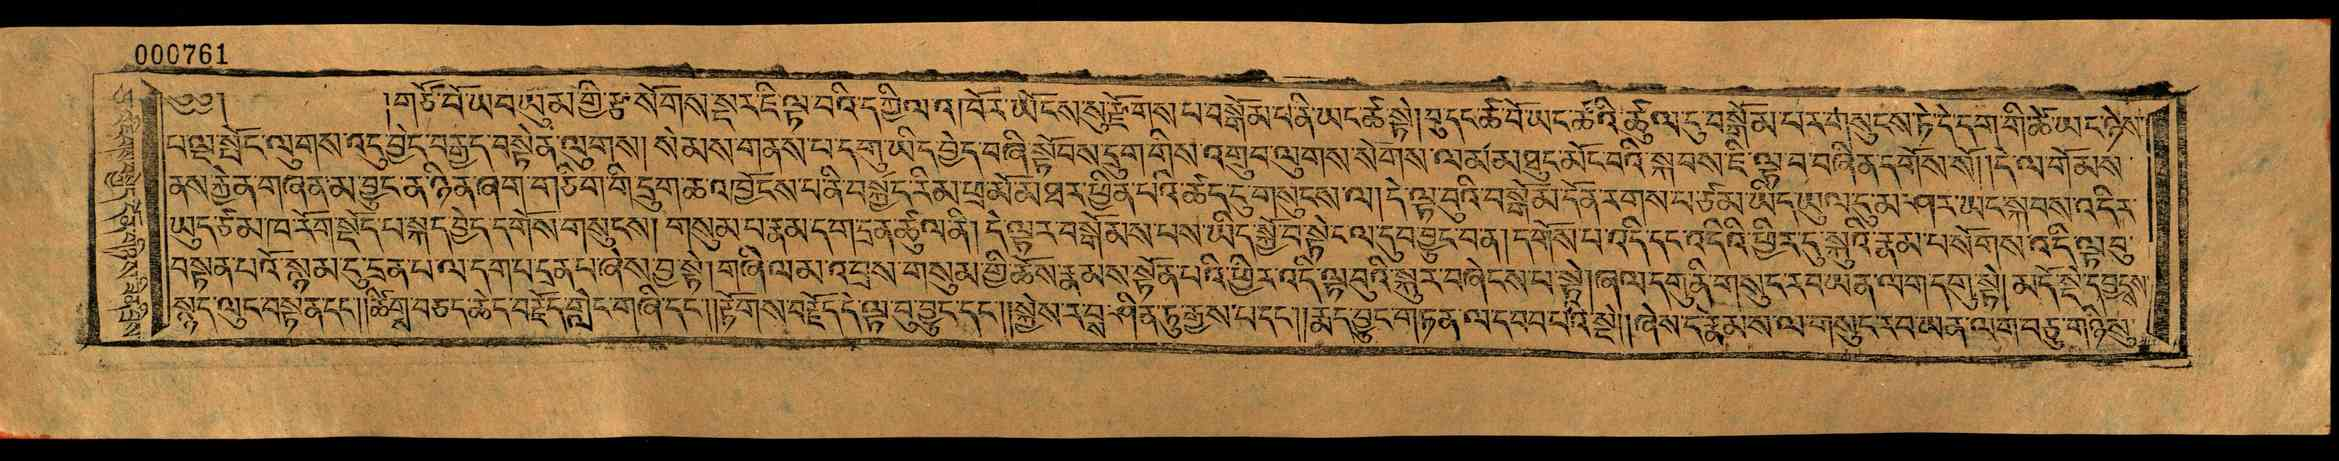༄༅། །གཙོ་བོ་ཡབ་ཡུམ་གྱི་རྩ་སོགས་སྔར་ཇི་ལྟ་བའི་དཀྱིལ་འཁོར་ཡོངས་སུ་རྫོགས་པ་བསྒོམ་པ་ནི་ཡང་ཚ་སྟེ། བུ་དང་ཚ་བོ་ཡང་ཚའི་ཚུལ་དུ་བསྒོམ་པར་གསུངས་ཏེ་དེ་དག་གི་ཚེ་ཡང་ཉེས་
པ་ལྔ་སྤོང་ལུགས་འདུ་བྱེད་བརྒྱད་བསྟེན་ལུགས། སེམས་གནས་པ་དགུ་ཡིད་བྱེད་བཞི་སྟོབས་དྲུག་གིས་འགྲུབ་ལུགས་སོགས་ལམ་མཐུན་མོང་བའི་སྐབས་ཇི་ལྟ་བ་བཞིན་དགོས་སོ། །དེ་ལ་གོམས་
ནས་རྐྱེན་གཞན་མ་བྱུང་ན་ཉིན་ཞག་གཅིག་གི་དྲུག་ཆ་འཁྱོངས་པ་ནི་བསྐྱེད་རིམ་ཕྲ་མོ་མཐར་ཕྱིན་པའི་ཚད་དུ་གསུངས་ལ། དེ་ལྟ་བུའི་བསྒོམ་དོན་རགས་པ་ཙམ་ཡིད་ཡུལ་དུ་མ་ཤར་ཡང་སྐབས་འདིར་
ཡུད་ཙམ་ཁ་རོག་སྡོད་པ་སྐད་བྱེད་དགོས་གསུངས། གསུམ་པ་རྣམ་དག་དྲན་ཚུལ་ནི། དེ་ལྟར་བསྒོམས་པས་ཡིད་སྐྱོབ་སྟེ་ངལ་དུབ་བྱུང་བ་ན། དགོས་པ་འདི་དང་འདིའི་ཕྱིར་དུ་སྐུའི་རྣམ་པ་སོགས་འདི་ལྟ་བུ་
བསྟན་པའོ་སྙམ་དུ་དྲན་པ་ལ་དག་པ་དྲན་པ་ཞེས་བྱ་སྟེ། གཞི་ལམ་འབྲས་གསུམ་གྱི་ཆོས་རྣམས་སྟོན་པའི་ཕྱིར་འདི་ལྟ་བུའི་སྐུར་བཞེངས་པ་སྟེ། ཞལ་དགུ་ནི་གསུང་རབ་ཡན་ལག་དགུ་སྟེ། མདོ་སྡེ་དབྱངས་
སྙད་ལུང་བསྟན་དང་། །ཚིགས་བཅད་ཆེད་བརྗོད་གླིང་གཞི་དང་། །རྟོགས་བརྗོད་དེ་ལྟ་བུ་བྱུང་དང་། །སྐྱེས་རབས་ཤིན་ཏུ་རྒྱས་པ་དང་། །རྨད་བྱུང་གཏན་ལ་དབབ་པའི་སྡེ། །ཞེས་དེ་རྣམས་ལ་གསུང་རབ་ཡན་ལག་བཅུ་གཉིས་སུ་